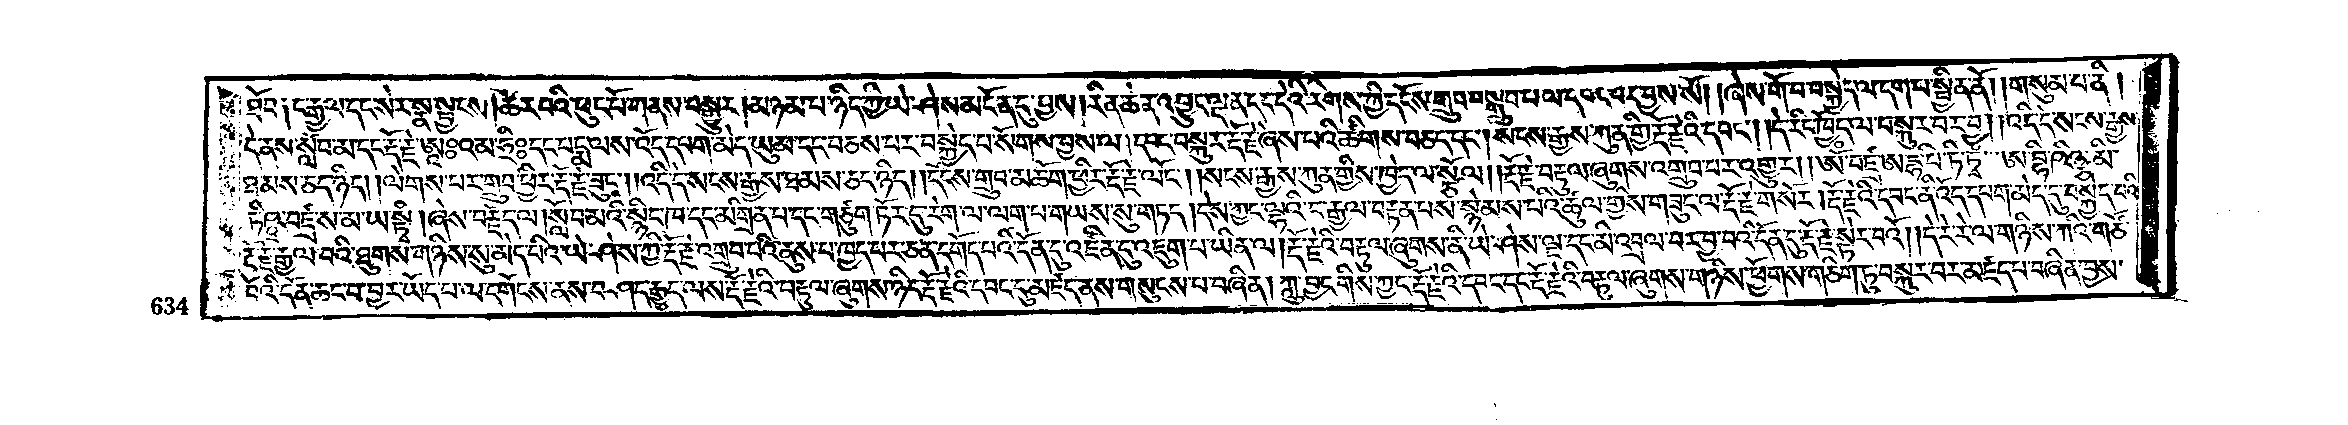ཐོབ། ང་རྒྱལ་དང་སེར་སྣ་སྦྱངས། ཚོར་བའི་ཕུང་པོ་གནས་བསྒྱུར། མཉམ་པ་ཉིད་ཀྱི་ཡེ་ཤེས་མངོན་དུ་བྱས། རིན་ཆེན་འབྱུང་ལྡན་དང་དེའི་རིགས་ཀྱི་དངོས་གྲུབ་བསྒྲུབ་པ་ལ་དབང་བར་བྱས་སོ། །ཞེས་གོ་བ་བསྐྱེད་ལ་དག་པ་སྦྱིན་ནོ། །གསུམ་པ་ནི།
དེ་ནས་སློབ་མ་དང་རྡོ་རྗེ་ཨཱཿའམ་ཧྲིཿ དང་པདམ་ལས་འོད་དཔག་མེད་ཡུམ་དང་བཅས་པར་བསྐྱེད་པ་སོགས་བྱས་ལ། དབང་བསྐུར་རྡོ་རྗེ་ཞེས་པའི་ཚིགས་བཅད་དང་། སངས་རྒྱས་ཀུན་གྱི་རྡོ་རྗེའི་དབང་། །དེ་རིང་ཁྱོད་ལ་བསྐུར་བར་བྱ། །འདི་དེ་སངས་རྒྱས་
ཐམས་ཅད་ཉིད། །ལེགས་པར་གྲུབ་ཕྱིར་རྡོ་རྗེ་ཟུངས། །འདི་དེ་སངས་རྒྱས་ཐམས་ཅད་ཉིད། །དངོས་གྲུབ་མཆོག་ཕྱིར་རྡོ་རྗེ་ལོང་། །སངས་རྒྱས་ཀུན་གྱིས་ཁྱེད་ལ་སྩོལ། །རྡོ་རྗེ་བརྟུལ་ཞུགས་འགྲུབ་པར་འགྱུར། །ཨོཾ་བཛྲ་ཨ་དྷ་པི་ཏི་ཏྭཾ་ཨ་བྷི་ཥིཉྩ་མི་
ཏིཥཊཿཨ་བཛྲ་ས་མ་ཡ་སྟྭཾ། ཞེས་བརྗོད་ལ། སློབ་མའི་སྙིང་ཁ་དང་མགྲིན་པ་དང་གཙུག་ཏོར་དུ་རེག་ལ་ལག་པ་གཡས་སུ་གཏད། དེས་ཀྱང་ལྷའི་ང་རྒྱལ་བརྟན་པས་སྙེམས་པའི་ཚུལ་གྱིས་གཟུང་ལ་རྡོ་རྗེ་གསོར། རྡོ་རྗེའི་དབང་ནི་འོད་དཔག་མེད་དུ་བསྐྱེད་པའི་
རྡོ་རྗེ་རྒྱལ་བའི་ཐུགས་གཉིས་སུ་མེད་པའི་ཡེ་ཤེས་ཀྱི་རྡོ་རྗེ་འགྲུབ་པའི་ནུས་པ་ཁྱད་པར་ཅན་དགོད་པའི་དོན་དུ་འཛིན་དུ་འཇུག་པ་ཡིན་ལ། རྡོ་རྗེའི་བརྟུལ་ཞུགས་ནི་ཡེ་ཤེས་ལྔ་དང་མི་འབྲལ་བར་བྱ་བའི་དོན་དུ་རྡོ་རྗེ་སྟེར་བའོ། །དེ་རེ་རེ་ལ་གཉིས་ཀའི་གཙོ་
བོའི་དོན་ཆང་བ་བྱར་ཡོད་པ་ལ་དགོངས་ནས་བཤད་རྒྱུད་ལས་རྡོ་རྗེའི་བརྟུལ་ཞུགས་ཉིད་རྡོ་རྗེའི་དབང་དུ་མཛད་ནས་གསུངས་པ་བཞིན། ཀླུ་བྱང་གིས་ཀྱང་རྡོ་རྗེའི་དབང་དང་རྡོ་རྗེའི་བརྟུལ་ཞུགས་གཉིས་ཕྱོགས་གཅིག་ཏུ་བསྐུར་བར་མཛད་པ་བཞིན་བྱས་